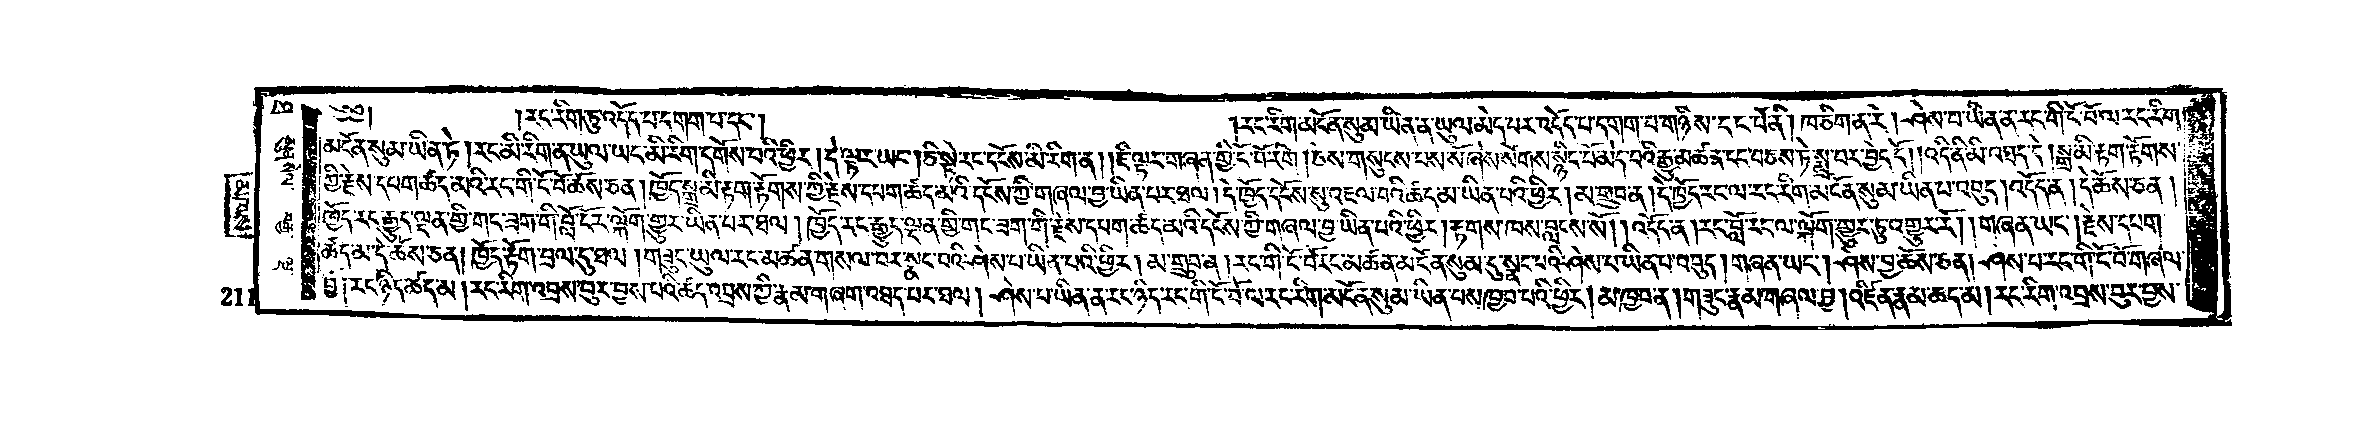༄༅། །རང་རིག་ཏུ་འདོད་པ་དགག་པ་དང་། །རང་རིག་མངོན་སུམ་ཡིན་ན་ཡུལ་མེད་པར་འདོད་པ་དགག་པ་གཉིས་དང་པོ་ནི། ཁ་ཅིག་ན་རེ། ཤེས་པ་ཡིན་ན་རང་གི་ངོ་བོ་ལ་རང་རིག་
མངོན་སུམ་ཡིན་ཏེ། རང་མི་རིག་ན་ཡུལ་ཡང་མི་རིག་དགོས་པའི་ཕྱིར། དེ་ལྟར་ཡང་། ཅི་སྟེ་རང་དངོས་མི་རིག་ན། །ཇི་ལྟར་གཞན་གྱི་ངོ་བོ་རིག །ཅེས་གསུངས་པས་སོ་ཞེས་སོགས་སྙིང་པོ་མེད་པའི་རྒྱུ་མཚན་དང་བཅས་ཏེ་སྨྲ་བར་བྱེད་དོ། །འདི་ནི་མི་འཐད་དེ། སྒྲ་མི་རྟག་རྟོགས་
ཀྱི་རྗེས་དཔག་ཚད་མའི་རང་གི་ངོ་བོ་ཆོས་ཅན། ཁྱོད་སྒྲ་མི་རྟག་རྟོགས་ཀྱི་རྗེས་དཔག་ཚད་མའི་དངོས་ཀྱི་གཞལ་བྱ་ཡིན་པར་ཐལ། དེ་ཁྱོད་དངོས་སུ་འཇལ་བའི་ཚད་མ་ཡིན་པའི་ཕྱིར། མ་གྲུབ་ན། དེ་ཁྱོད་རང་ལ་རང་རིག་མངོན་སུམ་ཡིན་པ་འབུད། འདོད་ན། དེ་ཆོས་ཅན།
ཁྱོད་རང་རྒྱུད་ལྡན་གྱི་གང་ཟག་གི་བློ་ངོར་ལྐོག་གྱུར་ཡིན་པར་ཐལ། ཁྱོད་རང་རྒྱུད་ལྡན་གྱི་གང་ཟག་གི་རྗེས་དཔག་ཚད་མའི་དངོས་ཀྱི་གཞལ་བྱ་ཡིན་པའི་ཕྱིར། རྟགས་ཁས་བླངས་སོ། །འདོད་ན། རང་བློ་རང་ལ་ལྐོག་གྱུར་ཏུ་འགྱུར་རོ། །གཞན་ཡང་། རྗེས་དཔག་
ཚད་མ་དེ་ཆོས་ཅན། ཁྱོད་རྟོག་བྲལ་དུ་ཐལ། གཟུང་ཡུལ་རང་མཚན་གསལ་བར་སྣང་བའི་ཤེས་པ་ཡིན་པའི་ཕྱིར། མ་གྲུབ་ན། རང་གི་ངོ་བོ་རང་མཚན་མངོན་སུམ་དུ་སྣང་བའི་ཤེས་པ་ཡིན་པ་འབུད། གཞན་ཡང་། ཤེས་བྱ་ཆོས་ཅན། ཤེས་པ་རང་གི་ངོ་བོ་གཞལ་
བྱ། རང་ཉིད་ཚད་མ། རང་རིག་འབྲས་བུར་བྱས་པའི་ཚད་འབྲས་ཀྱི་རྣམ་གཞག་འཐད་པར་ཐལ། ཤེས་པ་ཡིན་ན་རང་ཉིད་རང་གི་ངོ་བོ་ལ་རང་རིག་མངོན་སུམ་ཡིན་པས་ཁྱབ་པའི་ཕྱིར། མ་ཁྱབ་ན། གཟུང་རྣམ་གཞལ་བྱ། འཛིན་རྣམ་ཚད་མ། རང་རིག་འབྲས་བུར་བྱས་